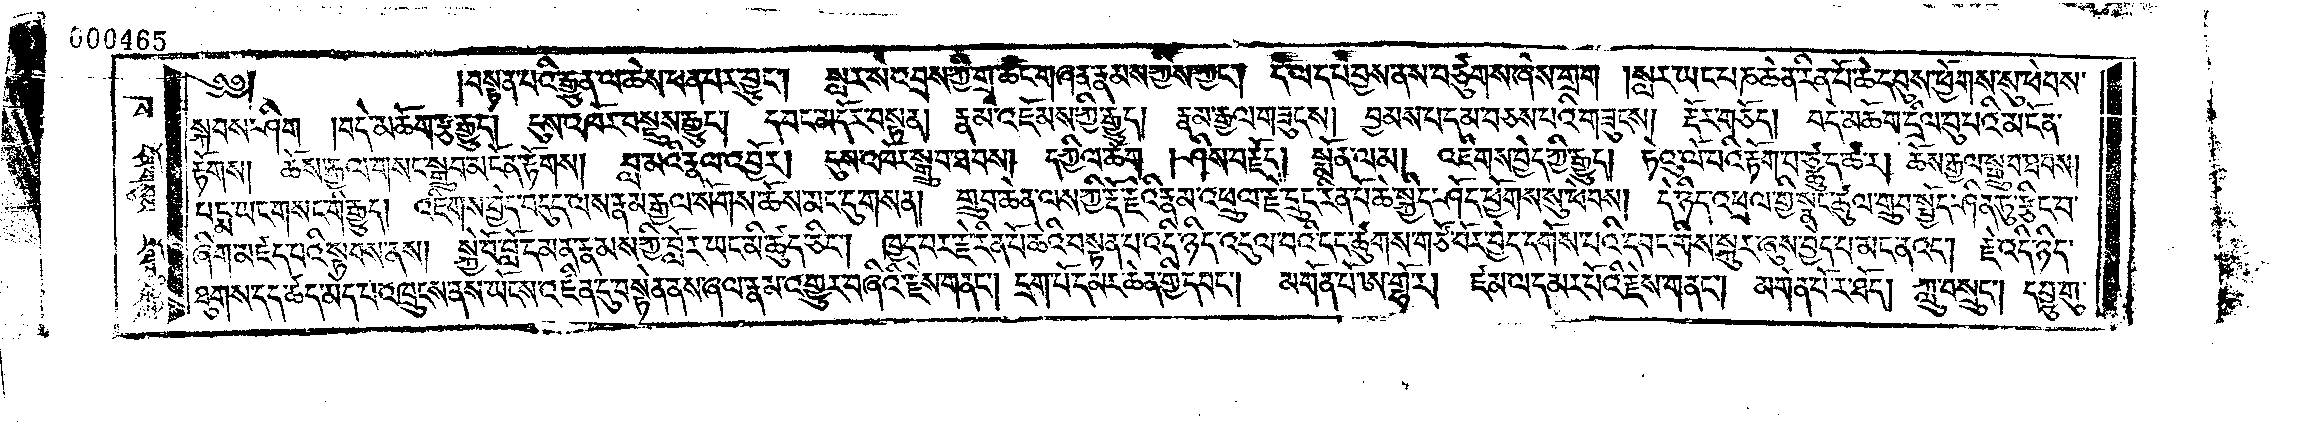༄༅། །བསྟན་པའི་རྒྱུན་ལ་ཆེས་ཕན་པར་བྱུང་། སླར་སེ་འབྲས་ཀྱི་གྲྭ་ཚང་གཞན་རྣམས་ཀྱིས་ཀྱང་། དེ་ལ་དཔེ་བྱས་ནས་བཙུགས་ཞེས་གྲག །སླར་ཡང་པཎ་ཆེན་རིན་པོ་ཆེ་དབུས་ཕྱོགས་སུ་ཕེབས་
སྐབས་ཤིག །བདེ་མཆོག་རྩ་རྒྱུད། དུས་འཁོར་བསྡུས་རྒྱུད། དབང་མདོར་བསྟན། རྣམ་འཇོམས་ཀྱི་རྒྱུད། རྣམ་རྒྱལ་གཟུངས། བྱམས་པ་དམ་བཅས་པའི་གཟུངས། རྡོར་གཅོད། བདེ་མཆོག་དྲིལ་བུ་པའི་མངོན་
རྟོགས། ཆོས་རྒྱལ་གསང་སྒྲུབ་མངོན་རྟོགས། བླ་མའི་རྣལ་འབྱོར། དུས་འཁོར་སྒྲུབ་ཐབས། དཀྱིལ་ཆོག །ཤིས་བརྗོད། སྨོན་ལམ། འཇིགས་བྱེད་ཀྱི་རྒྱུད། ཏེའུ་ལོ་བའི་རྟོག་པ་ཙྪུ་ད་ཚ་ར། ཆོས་རྒྱལ་སྒྲུབ་ཐབས།
པདམ་ཡང་གསང་གི་རྒྱུད། འཇིགས་བྱེད་བདུད་ལས་རྣམ་རྒྱལ་སོགས་ཆོས་མང་དུ་གསན། གྲུབ་ཆེན་ལས་ཀྱི་རྡོ་རྗེའི་རྣམ་འཕྲུལ་རྗེ་དྲུང་རིན་པོ་ཆེ་སྐྱིད་ཤོད་ཕྱོགས་སུ་ཕེབས། དེ་ཉིད་འཕྲལ་གྱི་སྣང་ཚུལ་གྲུབ་སྤྱོད་ཤིན་ཏུ་རྩིང་བ་
ཞིག་མཛད་པའི་སྟབས་ནས། སྐྱེ་བོ་བློ་དམན་རྣམས་ཀྱི་བློར་ཡང་མི་ཚུད་ཅིང་། ཁྱད་པར་རྗེ་རིན་པོ་ཆེའི་བསྟན་པ་འདི་ཉིད་འདུལ་བའི་དང་ཚུགས་གཙོ་བོར་བྱེད་དགོས་པའི་དབང་གིས་སྐུར་ཞུས་བྱེད་པ་མང་ནའང་། རྗེ་འདི་ཉིད་
ཐུགས་དད་ཚད་མེད་པ་འཁྲུངས་ནས་ཡོངས་འཛིན་དུ་བསྟེན་ནས་ཞལ་རྣམ་འགྱུར་བཞིའི་རྗེས་གནང་། དྲག་པོ་དམར་ཆེན་གྱི་དབང་། མགོན་པོ་ཨ་གྷོ་ར། ཛམ་ལ་དམར་པོའི་རྗེས་གནང་། མགོན་པོ་ར་ཐོད། ཀླུ་བསྲུང་། དབྱུ་གུ་